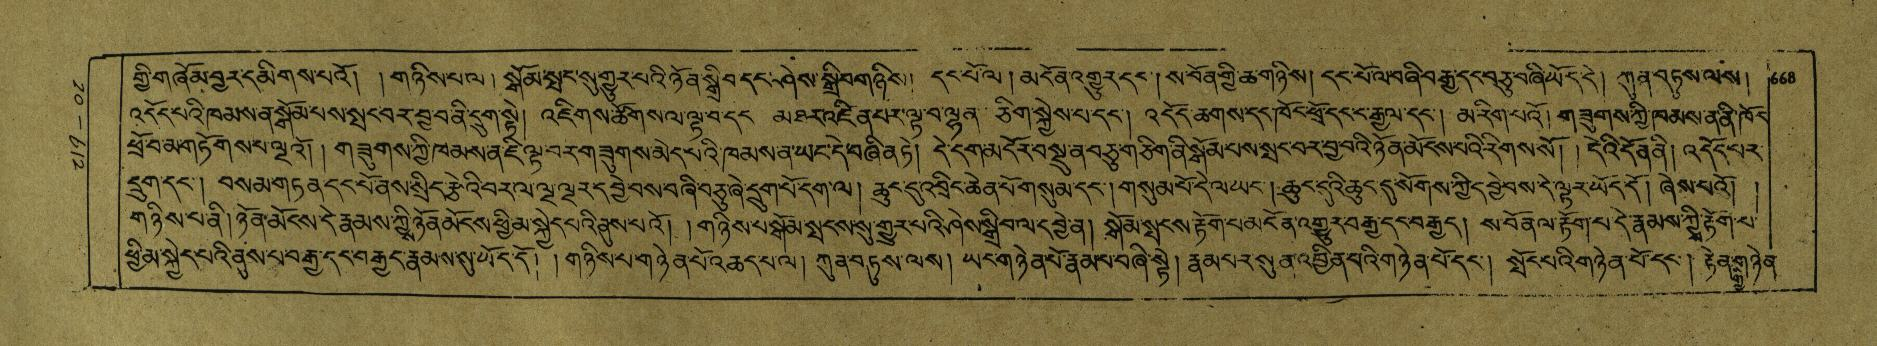གྱི་གཞོམ་བྱར་དམིགས་པའོ། །གཉིས་པ་ལ། སྒོམ་སྤང་སུ་གྱུར་པའི་ཉོན་སྒྲིབ་དང་ཤེས་སྒྲིབ་གཉིས། དང་པོ་ལ། མངོན་འགྱུར་དང་། ས་བོན་གྱི་ཆ་གཉིས། དང་པོ་ལ་བཞི་བརྒྱ་དང་བཅུ་བཞི་ཡོད་དེ། ཀུན་བཏུས་ལས།
འདོད་པའི་ཁམས་ན་སྒོམ་པས་སྤང་བར་བྱ་བ་ནི་དྲུག་སྟེ། འཇིགས་ཚོགས་ལ་ལྟ་བ་དང་། མཐར་འཛིན་པར་ལྟ་བ་ལྷན་ཅིག་སྐྱེས་པ་དང་། འདོད་ཆགས་དང་ཁོང་ཕྲོ་དང་ང་རྒྱལ་དང་། མ་རིག་པའོ། གཟུགས་ཀྱི་ཁམས་ན་ནི་ཁོང་
ཕྲོ་བ་མ་གཏོགས་པ་ལྔའོ། །གཟུགས་ཀྱི་ཁམས་ན་ཇི་ལྟ་བར་གཟུགས་མེད་པའི་ཁམས་ན་ཡང་དེ་བཞིན་ཏེ། དེ་དག་མདོར་བསྡུ་ན་བཅུ་གཅིག་ནི་སྒོམ་པས་སྤང་བར་བྱ་བའི་ཉོན་མོངས་པའི་རིགས་སོ། །དེའི་དོན་ནི། འདོད་པར་
དྲུག་དང་། བསམ་གཏན་དང་པོ་ནས་སྲིད་རྩེའི་བར་ལ་ལྔ་ལྔར་དབྱེ་བས་བཞི་བཅུ་ཞེ་དྲུག་པོ་དག་ལ། ཆུང་དུ་འབྲིང་ཆེན་པོ་གསུམ་དང་། གསུམ་པོ་དེ་ལ་ཡང་། ཆུང་དུའི་ཆུང་དུ་སོགས་ཀྱི་དབྱེ་བས་དེ་ལྟར་ཡོད་དོ། ཞེས་པའོ། །
གཉིས་པ་ནི། ཉོན་མོངས་དེ་རྣམས་ཀྱིས་ཉོན་མོངས་ཕྱི་མ་སྐྱེད་པའི་ནུས་པའོ། །གཉིས་པ་སྒོམ་སྤངས་སུ་གྱུར་པའི་ཤེས་སྒྲིབ་ལ་དབྱེ་ན། སྒོམ་སྤངས་རྟོག་པ་མངོན་འགྱུར་བརྒྱ་དང་བརྒྱད། ས་བོན་ལ་རྟོག་པ་དེ་རྣམས་ཀྱིས་རྟོག་པ་
ཕྱི་མ་སྐྱེད་པའི་ནུས་པ་བརྒྱ་དང་བརྒྱད་རྣམས་སུ་ཡོད་དོ། །གཉིས་པ་གཉེན་པོ་འཆད་པ་ལ། ཀུན་བཏུས་ལས། ཡང་གཉེན་པོ་རྣམ་པ་བཞི་སྟེ། རྣམ་པར་སུན་འབྱིན་པའི་གཉེན་པོ་དང་། སྤོང་པའི་གཉེན་པོ་དང་། རྟེན་གྱི་གཉེན་